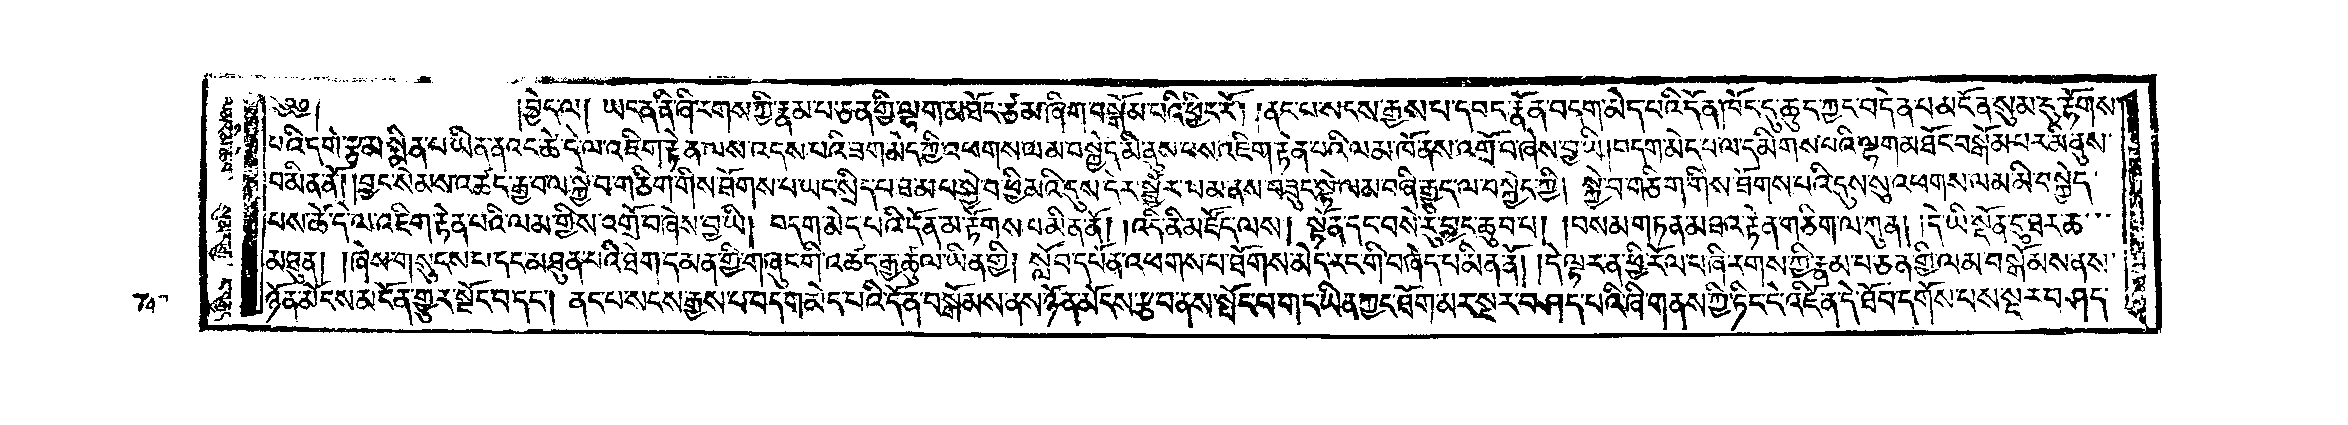༄༅། །བྱེད་ལ། ཡང་ན་ནི་ཞི་རགས་ཀྱི་རྣམ་པ་ཅན་གྱི་ལྷག་མཐོང་ཙམ་ཞིག་བསྒོམ་པའི་ཕྱིར་རོ། །ནང་པ་སངས་རྒྱས་པ་དབང་རྣོན་བདག་མེད་པའི་དོན་ཁོང་དུ་ཆུད་ཀྱང་བདེན་པ་མངོན་སུམ་དུ་རྟོགས་
པའི་དགེ་རྩ་མ་སྨིན་པ་ཡིན་ནའང་ཚེ་དེ་ལ་འཇིག་རྟེན་ལས་འདས་པའི་ཟག་མེད་ཀྱི་འཕགས་ལམ་བསྐྱེད་མི་ནུས་པས་འཇིག་རྟེན་པའི་ལམ་ཁོ་ནས་འགྲོ་བ་ཞེས་བྱ་ཡི། བདག་མེད་པ་ལ་དམིགས་པའི་ལྷག་མཐོང་བསྒོམ་པར་མི་ནུས་
པ་མིན་ནོ། །བྱང་སེམས་འཚང་རྒྱ་བ་ལ་སྐྱེ་བ་གཅིག་གིས་ཐོགས་པ་ཡང་སྲིད་པ་ཐ་མ་པ་སྐྱེ་བ་ཕྱི་མའི་དུས་དེར་སྦྱོར་ལམ་ནས་བཟུང་སྟེ་ལམ་བཞི་རྒྱུད་ལ་བསྐྱེད་ཀྱི། སྐྱེ་བ་གཅིག་གིས་ཐོགས་པའི་དུས་སུ་འཕགས་ལམ་མི་བསྐྱེད་
པས་ཚེ་དེ་ལ་འཇིག་རྟེན་པའི་ལམ་གྱིས་འགྲོ་བ་ཞེས་བྱ་ཡི། བདག་མེད་པའི་དོན་མ་རྟོགས་པ་མིན་ནོ། །འདི་ནི་མཛོད་ལས། སྟོན་དང་བསེ་རུ་བྱང་ཆུབ་པ། །བསམ་གཏན་མཐའ་རྟེན་གཅིག་ལ་ཀུན། །དེ་ཡི་སྔོན་དུ་ཐར་ཆ་
མཐུན། །ཞེས་གསུངས་པ་དང་མཐུན་པའི་ཐེག་དམན་གྱི་གཞུང་གི་འཚང་རྒྱ་ཚུལ་ཡིན་གྱི། སློབ་དཔོན་འཕགས་པ་ཐོགས་མེད་རང་གི་བཞེད་པ་མིན་ནོ། །དེ་ལྟར་ན་ཕྱི་རོལ་པ་ཞི་རགས་ཀྱི་རྣམ་པ་ཅན་གྱི་ལམ་བསྒོམས་ནས་
ཉོན་མོངས་མངོན་གྱུར་སྤོང་བ་དང་། ནང་པ་སངས་རྒྱས་པ་བདག་མེད་པའི་དོན་བསྒོམས་ནས་ཉོན་མོངས་རྩ་བ་ནས་སྤོང་བ་གང་ཡིན་ཀྱང་ཐོག་མར་སྔར་བཤད་པའི་ཞི་གནས་ཀྱི་ཏིང་ངེ་འཛིན་དེ་ཐོབ་དགོས་པས་སྔར་བཤད་